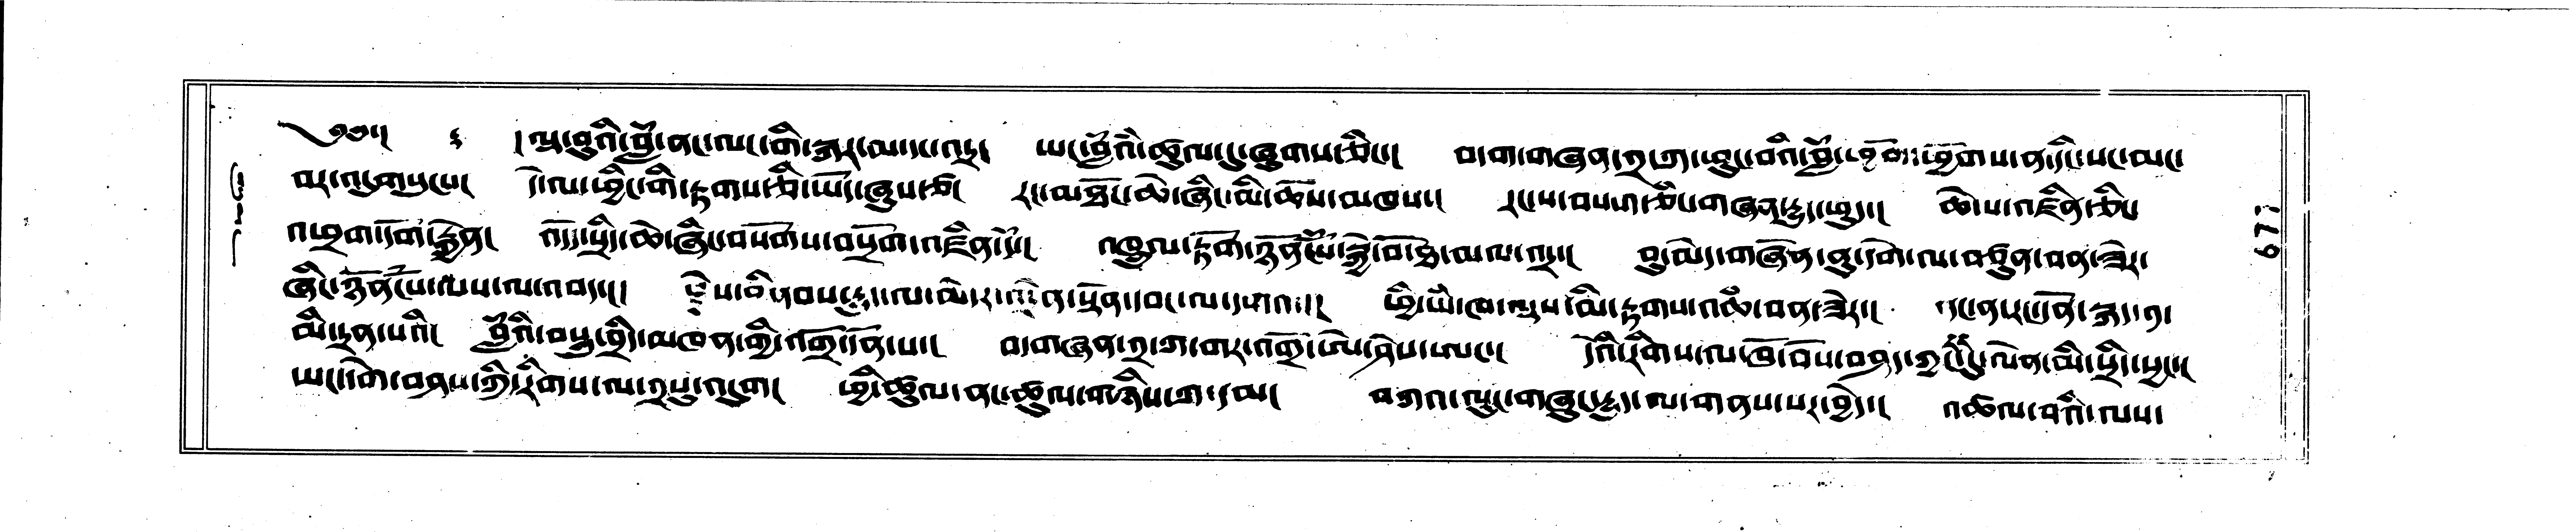ལྟ་བུའི་བླ་མ་དེ་ནི་ནམ་ལང་བའི་སྐར་མ་དང་འདྲ། ཡང་བླ་མའི་ཚུལ་དུ་ཞུགས་ཤིང་། བདག་གཞན་གཉིས་ཀ་ཕུང་པའི་བླ་མ་ཕྱོགས་ཕྱོགས་ན། དུས་དིང་སང་མང་
སྟེ་གསུངས། དེ་ལ་ཕྱི་ནང་གིས་རྟགས་ཅི་ལྟར་ཡོད་ཞུས་ཛ། རང་མཐོང་ཆེ་ཞིང་མི་ཆོས་མཁས། རང་ས་བསྲེགས་ཤིང་རང་རྒྱུད་ཕུང་། ཆེ་ས་འཛིན་ཅིང་མི་ཆོས་
འཕྲག་དོག་རྐྱེན། འདོད་སྲེད་ཆེ་ཞིང་བསོགས་འཇོགས་དམ། འཁྲུལ་རྟོག་ཉོན་མོངས་སྐྱེ་བོ་ཐ་མལ་འདྲ། བུ་མེད་གཞོན་ནུ་དགེ་ལ་བཙུད་བེས་”བན”ཟེར་
ཞིང་ཉོན་མོངས་ལས་ལ་བྷེད་(འབད)། ཐུགས་རྗེ་བྱིན་རླབས་རྒྱུད་ལ་མེད་པས་འདྲེན་སྟོན་དབང་ལ་དགའ། ཕྱིའི་ཁ་ལྟས་ཐམས་ཅད་མི་རྟག་བདེན་‘‘འཆི”བེས་ཟེར་ཞིང་། ནང་ནས་རང་དོན་སྐད་གཅིག་
མི་དྲན་པའི། བླ་མ་བསླུ་བྲིད་མཁན་གྱི་འགྲོ་དོན་པ། བདག་གཞན་གཉིས་ཀ་གར་འགྲོ་ཨེ་ཤེས་ཟིན། དེའི་རིགས་ལ་ཁོ་བོས་བཤད་ཀྱང་དང་དུ་ལེན་མི་སྲིད་གསུངས། 
ཡང་དགེ་བཤེས་རིགས་ལ་གཉིས་སུ་འདུག་གསུངས། ཕྱིའི་ཚུལ་དང་ནང་གི་ཁྲིམས་གཉིས་ག་དམ། བཀའ་ལུང་ནང་བཞིན་རྒྱུད་ལ་གནས་པར་བྱེད། འཆལ་བའི་ལས་